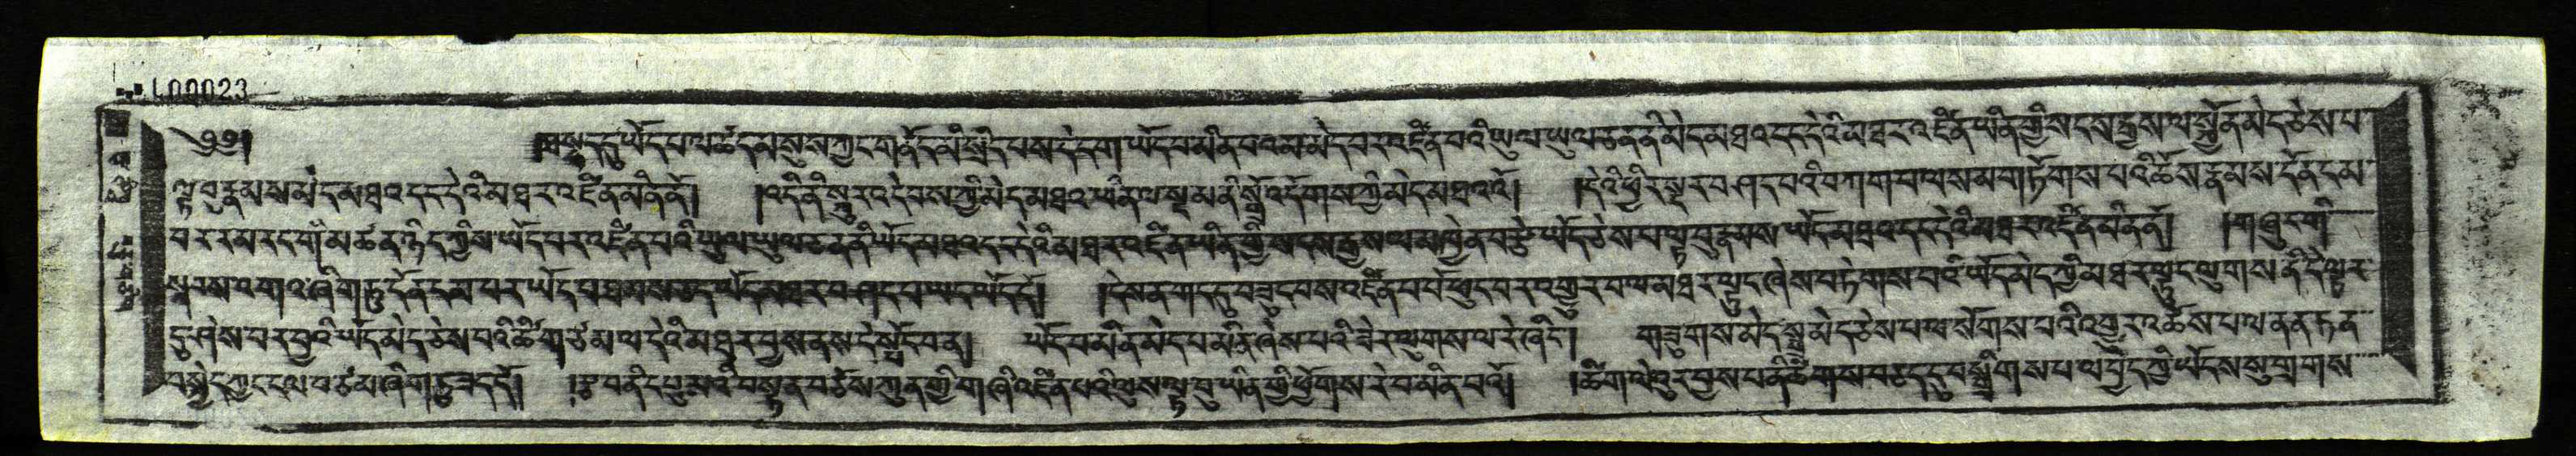༄༅། །ཐ་སྙད་དུ་ཡོད་པ་ལ་ཚད་མ་སུས་ཀྱང་གནོད་མི་སྲིད་པས་དེ་དག་ཡོད་པ་མིན་པའམ་མེད་པར་འཛིན་པའི་ཡུལ་ཡུལ་ཅན་ནི་མེད་མཐའ་དང་དེའི་མཐར་འཛིན་ཡིན་གྱི་སངས་རྒྱས་ལ་སྐྱོན་མེད་ཅེས་པ་
ལྟ་བུ་རྣམས་མེད་མཐའ་དང་དེའི་མཐར་འཛིན་མིན་ནོ། །འདི་ནི་སྐུར་འདེབས་ཀྱི་མེད་མཐའ་ཡིན་ལ་སྔ་མ་ནི་སྒྲོ་འདོགས་ཀྱི་མེད་མཐའོ། །དེའི་ཕྱིར་སྔར་བཤད་པའི་བཀག་པ་ལས་མ་གཏོགས་པའི་ཆོས་རྣམས་དོན་དམ་
པར་རམ་རང་གི་མཚན་ཉིད་ཀྱིས་ཡོད་པར་འཛིན་པའི་ཡུལ་ཡུལ་ཅན་ནི་ཡོད་མཐའ་དང་དེའི་མཐར་འཛིན་ཡིན་གྱི་སངས་རྒྱས་ལ་མཁྱེན་བརྩེ་ཡོད་ཅེས་པ་ལྟ་བུ་རྣམས་ཡོད་མཐའ་དང་དེའི་མཐར་འཛིན་མིན་ནོ། །གཞུང་གི་
སྐབས་འགའ་ཞིག་ཏུ་དོན་དམ་པར་ཡོད་པ་ཐམས་ཅད་ཡོད་མཐར་བཤད་པ་ཡང་ཡོད་དོ། །དེས་ན་གང་དུ་བཟུང་བས་འཛིན་པ་པོ་ཕུང་བར་འགྱུར་བ་ལ་མཐར་ལྟུང་ཞེས་བཏེགས་པའོ་ཡོད་མེད་ཀྱི་མཐར་ལྟུང་ལུགས་ནི་དེ་ལྟར་
དུ་ཤེས་པར་བྱའི་ཡོད་མེད་ཅེས་པའི་ཚིག་ཙམ་ལ་དེའི་མཐར་བྱས་ནས་དེ་སྤོང་བ་ན། ཡོད་པ་མིན་མེད་པ་མིན་ཞེས་པའི་ཟེར་ལུགས་ལ་རེ་ཞིང་། གཟུགས་མེད་སྒྲ་མེད་ཅེས་པ་ལ་སོགས་པའི་འགྱུར་འཆོས་པ་ལ་ནན་ཏན་
བསྐྱེད་ཀྱང་ངལ་བ་ཙམ་ཞིག་ཏུ་ཟད་དོ། །རྩ་བ་ནི་དབུ་མའི་བསྟན་བཅོས་ཀུན་གྱི་གཞི་འཛིན་པའི་ལུས་ལྟ་བུ་ཡིན་གྱི་ཕྱོགས་རེ་བ་མིན་པའོ། །ཚིག་ལེའུར་བྱས་པ་ནི་ཚིགས་བཅད་དུ་བསྒྲིགས་པ་ལ་བྱེད་ཀྱི་ཡོངས་སུ་གྲགས་